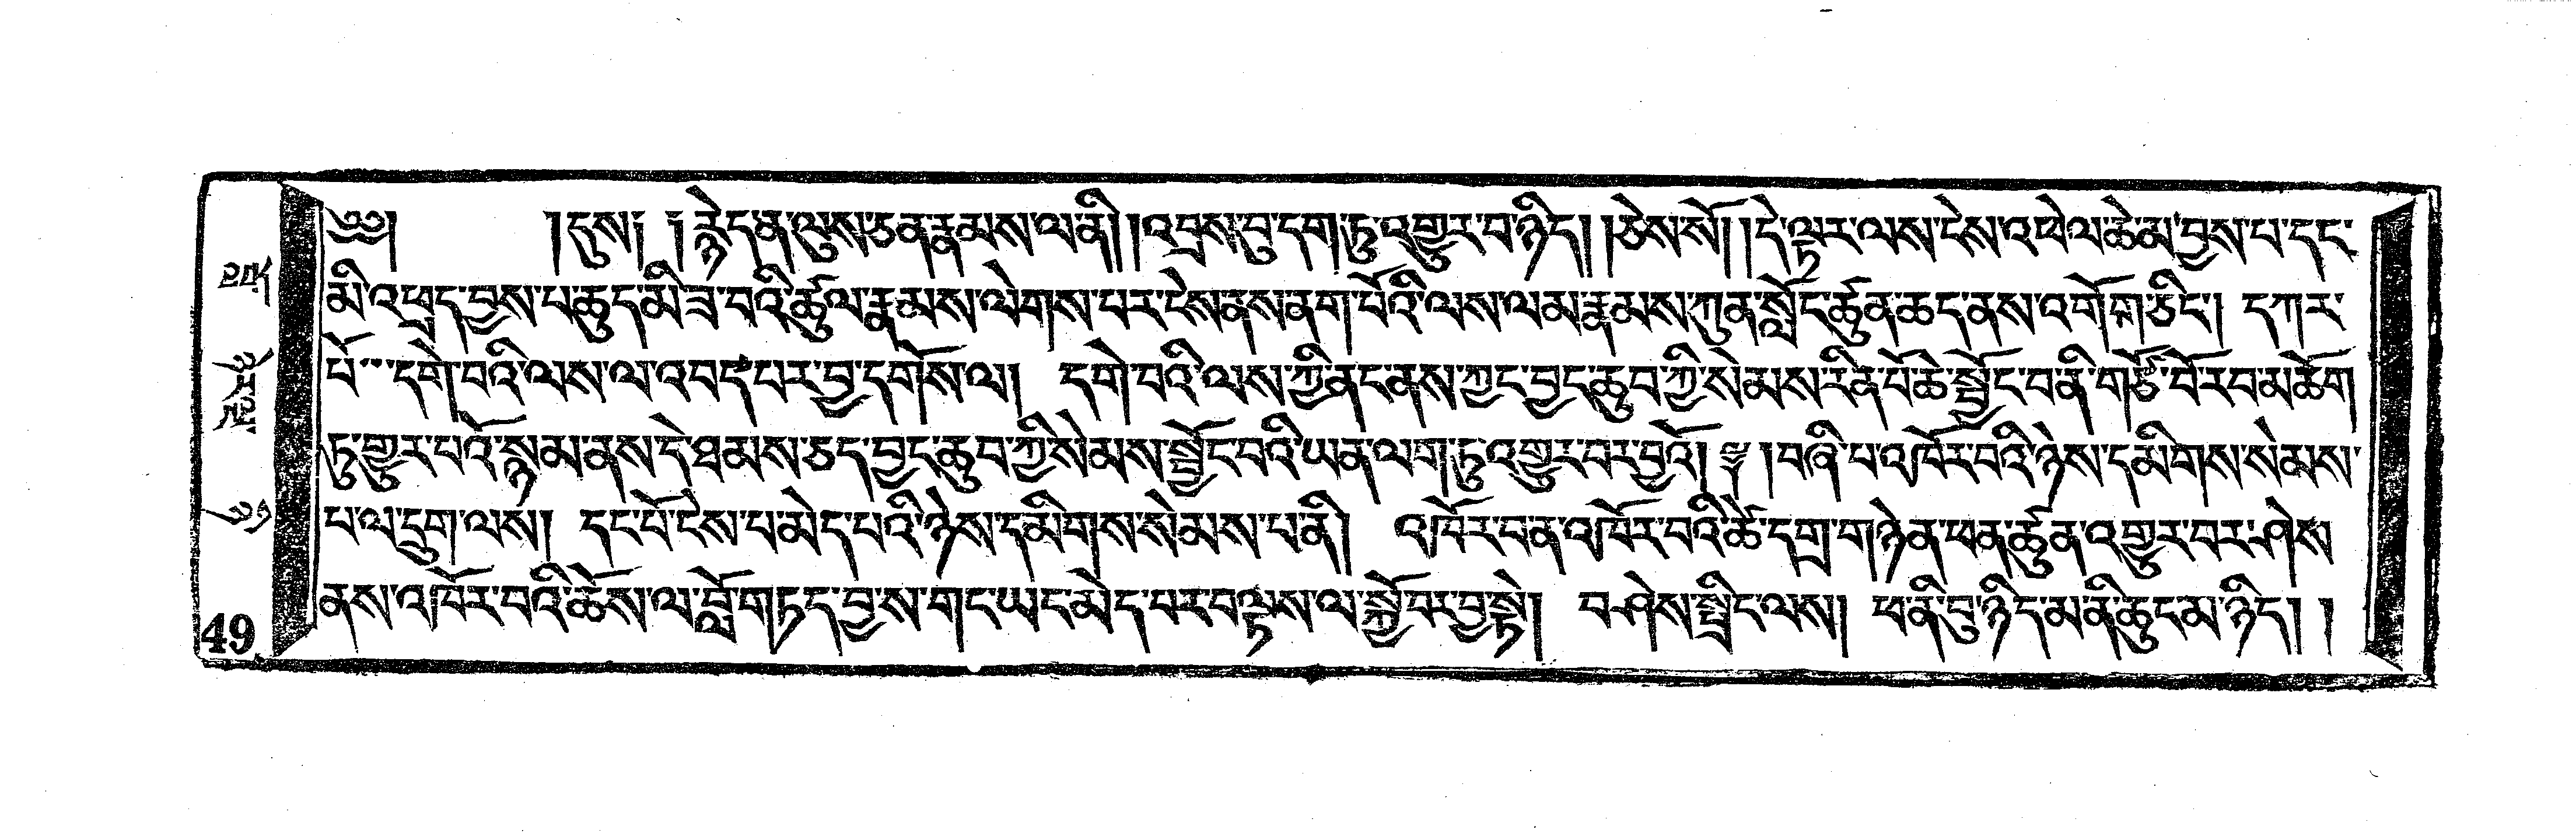༄༅། །དུས༑ ༑རྙེད་ན་ལུས་ཅན་རྣམས་ལ་ནི། །འབྲས་བུ་དག་ཏུ་འགྱུར་བ་ཉིད། །ཅེས་སོ། །དེ་ལྟར་ལས་ངེས་འཕེལ་ཆེ་མ་བྱས་པ་དང་
མི་འཕྲད་བྱས་པ་ཆུད་མི་ཟ་བའི་ཚུལ་རྣམས་ལེགས་པར་ངེས་ནས་ནག་པོའི་ལས་ལམ་རྣམས་ཀུན་སློང་ཚུན་ཆད་ནས་འགོག་ཅིང་། དཀར་
པོ་དགེ་བའི་ལས་ལ་འབད་པར་བྱ་དགོས་ལ། དགེ་བའི་ལས་ཀྱི་ནང་ནས་ཀྱང་བྱང་ཆུབ་ཀྱི་སེམས་རིན་པོ་ཆེ་སྦྱོང་བ་ནི་གཙོ་བོ་རབ་མཆོག་
ཏུ་གྱུར་པའོ་སྙམ་ནས་དེ་ཐམས་ཅད་བྱང་ཆུབ་ཀྱི་སེམས་སྦྱོང་བའི་ཡན་ལག་ཏུ་འགྱུར་བར་བྱའོ། ༈ །བཞི་པ་འཁོར་བའི་ཉེས་དམིགས་སེམས་
པ་ལ་དྲུག་ལས། དང་པོ་ངེས་པ་མེད་པའི་ཉེས་དམིགས་སེམས་པ་ནི། འཁོར་བ་ན་འཁོར་བའི་ཚེ་དགྲ་གཉེན་ཕན་ཚུན་འགྱུར་བར་ཤེས་
ནས་འཁོར་བའི་ཆོས་ལ་བློ་གཏད་བྱ་ས་གང་ཡང་མེད་པར་བལྟས་ལ་སྐྱོ་བར་བྱ་སྟེ། བཤེས་སྤྲིང་ལས། ཕ་ནི་བུ་ཉིད་མ་ནི་ཆུང་མ་ཉིད། །